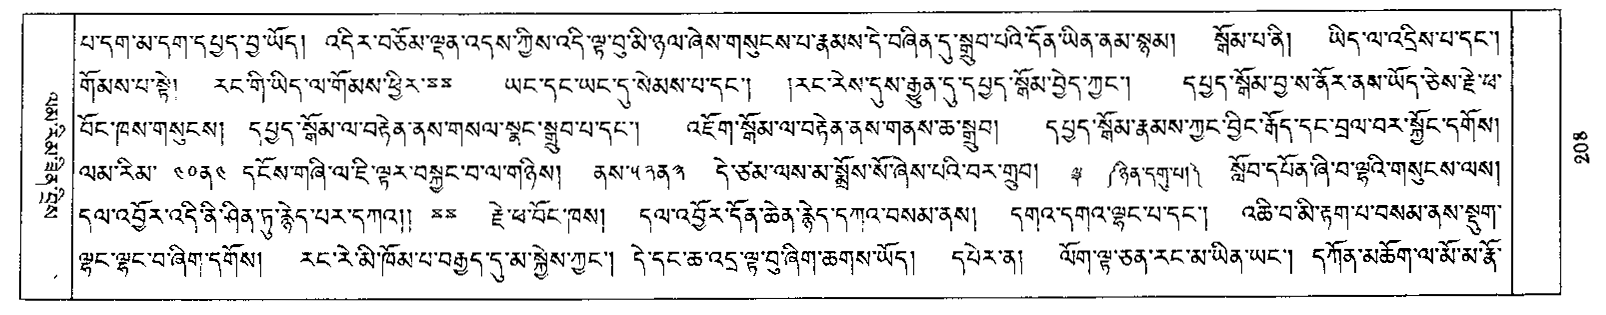པ་དག་མ་དག་དཔྱད་བྱ་ཡོད། འདིར་བཅོམ་ལྡན་འདས་ཀྱིས་འདི་ལྟ་བུ་མི་ཉལ་ཞེས་གསུངས་པ་རྣམས་དེ་བཞིན་དུ་སྒྲུབ་པའི་དོན་ཡིན་ནམ་སྙམ། སྒོམ་པ་ནི། ཡིད་ལ་འདྲིས་པ་དང་།
གོམས་པ་སྟེ། རང་གི་ཡིད་ལ་གོམས་ཕྱིར་ཡང་དང་ཡང་དུ་སེམས་པ་དང་། །རང་རེས་དུས་རྒྱུན་དུ་དཔྱད་སྒོམ་བྱེད་ཀྱང་། དཔྱད་སྒོམ་བྱ་ས་ནོར་ནས་ཡོད་ཅེས་རྗེ་ཕ་
བོང་ཁས་གསུངས། དཔྱད་སྒོམ་ལ་བརྟེན་ནས་གསལ་སྣང་སྒྲུབ་པ་དང་། འཇོག་སྒོམ་ལ་བརྟེན་ནས་གནས་ཆ་སྒྲུབ། དཔྱད་སྒོམ་རྣམས་ཀྱང་བྱིང་རྒོད་དང་བྲལ་བར་སྐྱོང་དགོས།
ལམ་རིམ ༤༠་ན ༤་དངོས་གཞི་ལ་ཇི་ལྟར་བསྐྱང་བ་ལ་གཉིས། ནས ༥༢་ན ༣་དེ་ཙམ་ལས་མ་སྨྲོས་སོ་ཞེས་པའི་བར་གྲུབ། ༈ ཉིན་དགུ་པ།?་སློབ་དཔོན་ཞི་བ་ལྷའི་གསུངས་ལས།
དལ་འབྱོར་འདི་ནི་ཤིན་ཏུ་རྙེད་པར་དཀའ།། རྗེ་ཕ་བོང་ཁས། དལ་འབྱོར་དོན་ཆེན་རྙེད་དཀའ་བསམ་ནས། དགའ་དགའ་ལྷང་པ་དང་། འཆི་བ་མི་རྟག་པ་བསམ་ནས་སྡུག་
ལྷང་ལྷང་བ་ཞིག་དགོས། རང་རེ་མི་ཁོམ་པ་བརྒྱད་དུ་མ་སྐྱེས་ཀྱང་། དེ་དང་ཆ་འདྲ་ལྟ་བུ་ཞིག་ཆགས་ཡོད། དཔེར་ན། ལོག་ལྟ་ཅན་རང་མ་ཡིན་ཡང་། དཀོན་མཆོག་ལ་མོ་མ་རྣོ་